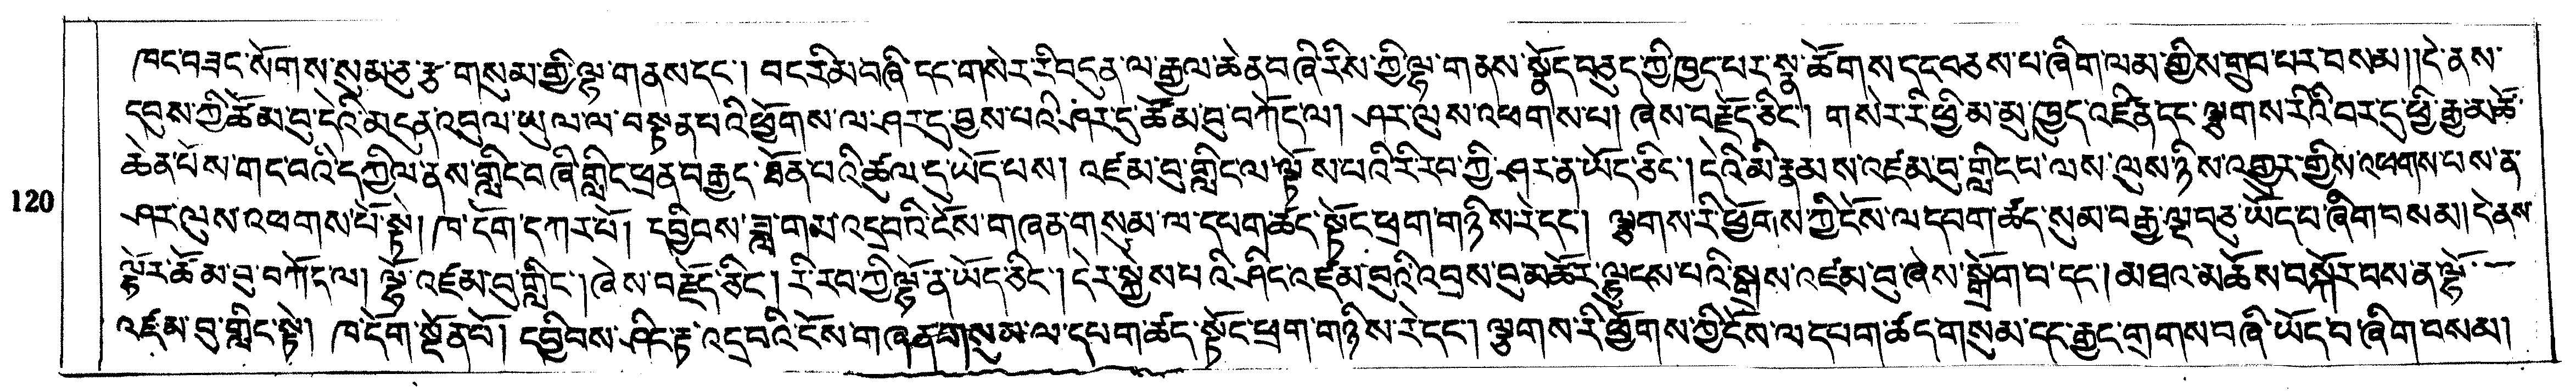ཁང་བཟང་སོགས་སུམ་ཅུ་རྩ་གསུམ་གྱི་ལྷ་གནས་དང་། བང་རིམ་བཞི་དང་གསེར་རི་བདུན་ལ་རྒྱལ་ཆེན་བཞི་རིས་ཀྱི་ལྷ་གནས་སྣོད་བཅུད་ཀྱི་ཁྱད་པར་སྣ་ཚོགས་དང་བཅས་པ་ཞིག་ལམ་གྱིས་གྲུབ་པར་བསམ། །དེ་ནས་
དབུས་ཀྱི་ཚོམ་བུ་དེའི་མདུན་འབུལ་ཡུལ་ལ་བསྟན་པའི་ཕྱོགས་ལ་ཤར་དུ་བྱས་པའི་ཤར་དུ་ཚོམ་བུ་བཀོད་ལ། ཤར་ལུས་འཕགས་པ། ཞེས་བརྗོད་ཅིང་། གསེར་རི་ཕྱི་མ་མུ་ཁྱུད་འཛིན་དང་ལྕགས་རིའི་བར་དུ་ཕྱི་རྒ་མཚོ་
ཆེན་པོས་གང་བའི་དཀྱིལ་ནས་གླིང་བཞི་གླིང་ཕྲན་བརྒྱད་ཐོན་པའི་ཚུལ་དུ་ཡོད་པས། འཛམ་བུ་གླིང་ལ་ལྟོས་པའི་རི་རབ་ཀྱི་ཤར་ན་ཡོད་ཅིང་། དེའི་མི་རྣམས་འཛམ་བུ་གླིང་པ་ལས་ལུས་ཉིས་འགྱུར་གྱིས་འཕགས་པས་ན་
ཤར་ལུས་འཕགས་པ་སྟེ། ཁ་དོག་དཀར་པོ། དབྱིབས་ཟླ་གམ་འདྲ་བའི་ངོས་གཞན་གསུམ་ལ་དཔག་ཚད་སྟོང་ཕྲག་གཉིས་རེ་དང་། ལྕགས་རི་ཕྱོགས་ཀྱི་ངོས་ལ་དཔག་ཚད་སུམ་བརྒྱ་ལྔ་བཅུ་ཡོད་པ་ཞིག་བསམ། །དེ་ནས་
ལྷོར་ཚོམ་བུ་བཀོད་ལ། ལྷོ་འཛམ་བུ་གླིང་། ཞེས་བརྗོད་ཅིང་། རི་རབ་ཀྱི་ལྷོ་ན་ཡོད་ཅིང་། དེར་སྐྱེས་པའི་ཤིང་འཇམ་བུའི་འབྲས་བུ་མཚོར་ལུངས་པའི་སྒྲས་འཛམ་བུ་ཞེས་སྒྲོག་པ་དང་། མཐའ་མཚོས་བསྐོར་བས་ན་ལྷོ་
འཛམ་བུ་གློང་སྟེ། ཁ་དོག་སྔོན་པོ། དབྱིབས་ཤིང་རྟ་འདྲ་བའི་ངོས་གཞན་གསུམ་ལ་དཔག་ཚད་སྟོང་ཕྲག་གཉིས་རེ་དང་། ལྕགས་རི་ཕྱོགས་ཀྱི་ངོས་ལ་དཔག་ཚད་གསུམ་དང་རྒྱང་གྲགས་བཞི་ཡོད་ཨཔ་ཞིག་བསམ།